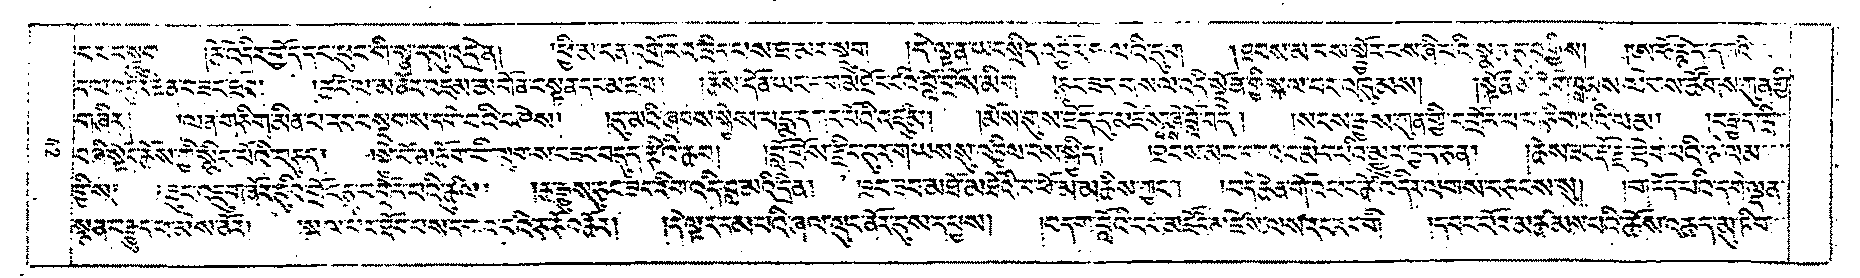བར་དུ་སྡུག །ཚེ་འདིར་གྱོད་དང་ཕུང་གི་སྣ་དགུ་འདྲེན། །ཕྱི་མ་ངན་འགྲོར་འཁྲིད་པས་ཐ་མར་སྡུག །དེ་ལྟ་ན་ཡང་སྲིད་འབྱོར་ཧ་ལའི་དུག །ཐབས་མཁས་སྦྱོར་བས་ཞི་བའི་སྨན་དུ་བགྱིས། །ཨ་ཧོ་རྙེད་དཀའི་
དལ་འབྱོར་རྟེན་བཟང་ཐོབ། །ཚང་ལ་མ་ནོར་འཇམ་མགོན་བསྟན་དང་འཇལ། །ཆོས་དོན་ཡང་དག་མཐོང་བའི་བློ་གྲོས་མིག །ཅུང་ཟད་གསལ་འདི་སྔོན་གྱི་སྐལ་བར་འཁུམས། །སྟོན་མཆོག་བླ་མས་ལེགས་ཚོགས་ཀུན་གྱི་
གཞིར། །ལན་གཅིག་མིན་པ་རབ་བསྔགས་དགེ་བའི་བཤེས། །དུ་མའི་ཞབས་སྐྱེས་པདམ་དཀར་པོའི་འཛུམ། །མོས་གུས་ཐོད་དུ་མཛེས་པས་ཞེ་བློ་བདེ། །སངས་རྒྱས་ཀུན་གྱི་བགྲོད་པ་གཅིག་པའི་ལམ། །བརྒྱད་ཁྲི་
བཞི་སྟོང་ཆོས་ཀྱི་སྙིང་པོའི་བཅུད། །སྐྱེ་བོ་མཆོག་གི་ལུགས་བཟང་བདུད་རྩིའི་ཆབ། །བློ་གྲོས་རྫིང་བུར་གཡས་སུ་འཁྱིལ་བས་སྐྱིད། །ཐབས་མང་དཀའ་བ་མེད་པའི་མྱུར་ཁྱད་ཅན། །ཆེས་ཟབ་རྡོ་རྗེ་ཐེག་པའི་ཉེ་ལམ་
གྱིས༑ ༑ཟུང་འཇུག་ནོར་བུའི་གྲོང་དུ་བགྲོད་པའི་ཚུལ། །ཆ་རྒྱུས་ཅུང་ཟད་རིག་འདི་བླ་མའི་དྲིན། །ཟབ་ཟབ་མཐོ་མཐོའི་ཁ་ཕོ་མ་མཆིས་ཀྱང་། །བདེ་ཆེན་གོ་འཕང་ཚེ་འདིར་ལགས་བཅངས་སུ། །གཏོད་པའི་དགེ་ལྡན་
སྙན་བརྒྱུད་ཕ་མེས་ནོར། །སྐལ་པར་ཐོབ་པས་དགའ་བའི་ཅ་ཅོ་འཆོར། །དེ་ལྟར་དམ་པའི་ཞལ་ལུང་ནོར་བུས་དཔྱས། །བདག་བློའི་བང་མཛོད་མཛེས་ལས་རང་རང་གི །དབང་པོར་མཚམས་པའི་ཆོས་འཆད་མུ་ཏིག་